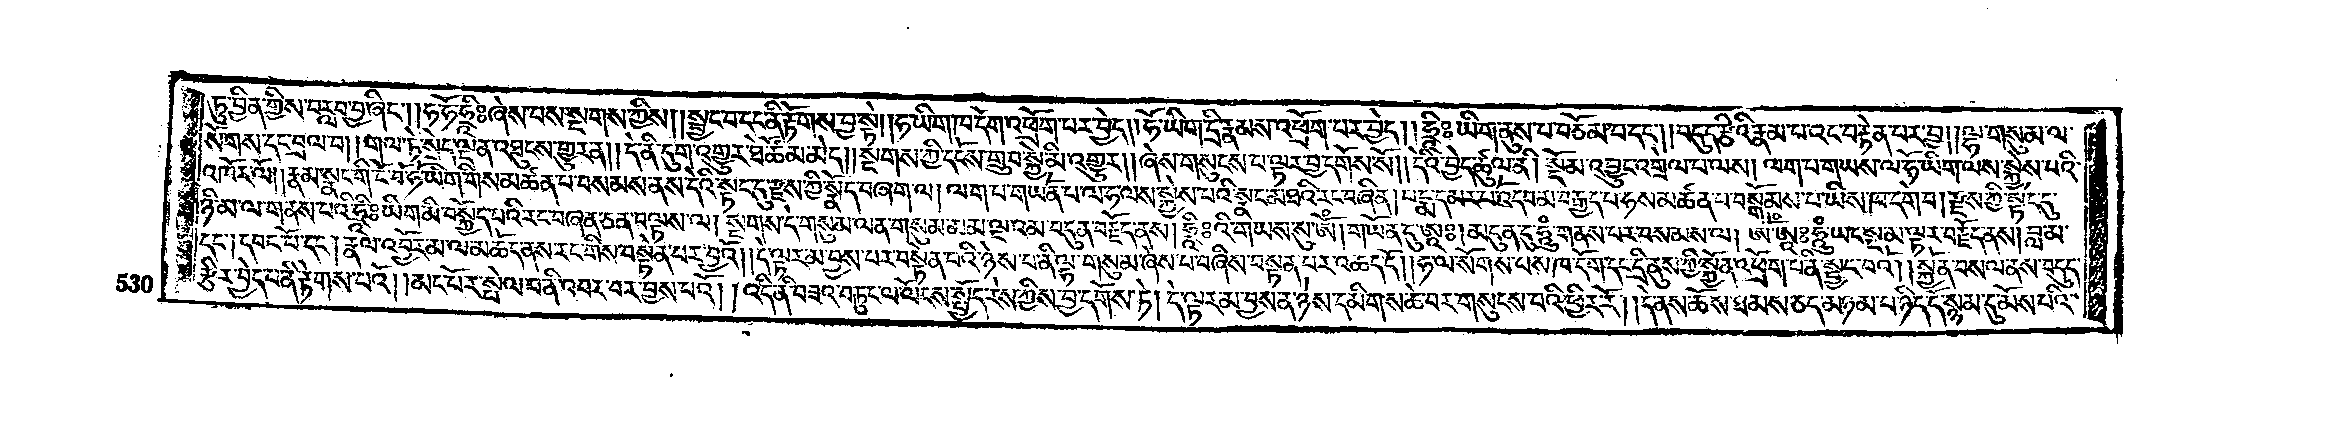ཏུ་བྱིན་གྱིས་བརླབ་བྱ་ཞིང་། །ཧ་ཧོ་ཧྲཱིཿ ཞེས་པས་སྔགས་ཀྱིས། །སྦྱང་བ་དང་ནི་རྟོགས་བྱ་སྟེ། །ཧ་ཡིག་ཁ་དོག་འཕྲོག་པར་བྱེད། །ཧོ་ཡིག་དྲི་རྣམས་འཕྲོག་པར་བྱེད། །ཧྲཱིཿ ཡིག་ནུས་པ་བཅོམ་པ་དང་། །བདུད་རྩིའི་རྣམ་པའང་བརྟེན་པར་བྱ། །ལྷ་གསུམ་ལ་
སོགས་དང་བྲལ་བ། །གལ་ཏེ་སྲེད་ལྡན་འཐུངས་གྱུར་ན། །དེ་ནི་དུག་འགྱུར་ཐེ་ཚོམ་མེད། །སྔགས་ཀྱི་དངོས་གྲུབ་སྐྱེ་མི་འགྱུར། །ཞེས་གསུངས་པ་ལྟར་བྱ་དགོས་སོ། །དེའི་བྱེད་ཚུལ་ནི། སྡོམ་འབྱུང་འགྲེལ་པ་ལས། ལག་པ་གཡས་ལ་ཧོ་ཡིག་ལས་སྐྱེས་པའི་
འཁོར་ལོ། །རྣམ་སྣང་གི་ངོ་བོ་ཧོ་ཡིག་གིས་མཚན་པ་བསམས་ནས་དེའི་སྟང་དུ་རྫས་ཀྱི་སྣོད་བཞག་ལ། ལག་པ་གཡོན་པ་ལ་ཧ་ལས་སྐྱེས་པའི་སྣང་མཐའི་རང་བཞིན། པདམ་དམར་པོ་འདབ་མ་བརྒྱད་པ་ཧས་མཚན་པ་བསྒོམས་པ་ཡིས་ཁ་དགེ་བ། རྫས་ཀྱི་སྟེང་དུ་
ཉི་མ་ལ་གནས་པའི་ཧྲཱིཿ ཡིག་མི་བསྐྱོད་པའི་རང་བཞིན་ཅན་བལྟས་ལ། སྔགས་དེ་གསུམ་ལན་གསུམ་མམ་ལྔ་འམ་བདུན་བརྗོད་ནས། ཧྲཱིཿ འི་གཡས་སུ་ཨོཾ། གཡོན་དུ་ཨཱཿ། མདུན་དུ་ཧཱུཾ་གནས་པར་བསམས་ལ། ཨོཾ་ཨཱཿ ཧཱུཾ་ཡང་སྔ་མ་ལྟར་བརྗོད་ནས། བླ་མ་
དང་། དབང་པོ་དང་། རྣལ་འབྱོར་མ་ལ་མཆོད་ནས་རང་གིས་བསྟེན་པར་བྱའོ། །དེ་ལྟར་མ་བྱས་པར་བསྟེན་པའི་ཉེས་པ་ནི་ལྷ་གསུམ་ཞེས་པ་བཞིས་བསྟན་པར་འཆད་དོ། །ཧ་ལ་སོགས་པས་ཁ་དོག་དང་དྲི་ནུས་ཀྱི་སྐྱོན་འཕྲོག་པ་ནི་སྦྱང་བའོ། །སྐྱོན་བསལ་ནས་བདུད་
རྩིར་བྱེད་པ་ནི་རྟོགས་པའོ། །མང་པོར་སྤེལ་བ་ནི་འབར་བར་བྱས་པའོ། །འདི་ནི་བཟའ་བཏུང་ལ་ལོངས་སྤྱོད་རེས་ཀྱིས་བྱ་དགོས་ཏེ། དེ་ལྟར་མ་བྱས་ན་ཉེས་དམིགས་ཆེ་བར་གསུངས་པའི་ཕྱིར་རོ། །དེ་ནས་ཆོས་ཐམས་ཅད་མཉམ་པ་ཉིད་དོ་སྙམ་དུ་མོས་པའི་